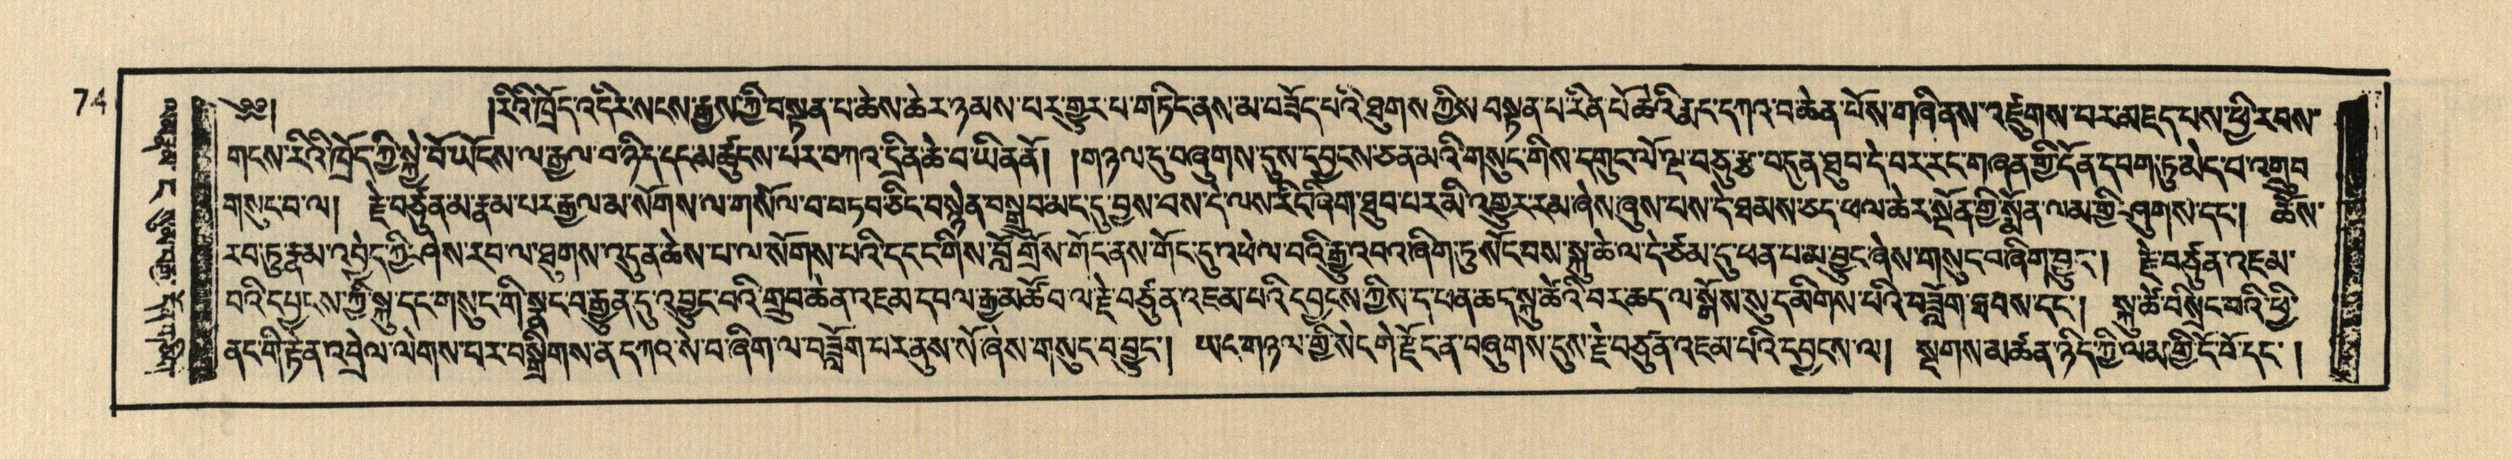༄༅། །རིའི་ཁྲོད་འདིར་སངས་རྒྱས་ཀྱི་བསྟན་པ་ཆེས་ཆེར་ཉམས་པར་གྱུར་པ་གཏིང་ནས་མ་བཟོད་པའི་ཐུགས་ཀྱིས་བསྟན་པ་རིན་པོ་ཆེའི་རྨད་དཀའ་བ་ཆེན་པོས་གཞི་ནས་འཛུགས་པར་མཛད་པས་ཕྱི་རབས་
གངས་རིའི་ཁྲོད་ཀྱི་སྐྱེ་བོ་ཡོངས་ལ་རྒྱལ་པ་ཉིད་དང་མཚུངས་པར་བཀའ་དྲིན་ཆེ་བ་ཡིན་ནོ། །གཉལ་དུ་བཞུགས་དུས་དབྱངས་ཅན་མའི་གསུང་གིས་དགུང་ལོ་ལྔ་བཅུ་རྩ་བདུན་ཐུབ་དེ་བར་རང་གཞན་གྱི་དོན་དཔག་ཏུ་མེད་པ་འགྲུབ་
གསུང་བ་ལ། རྗེ་བཙུན་མ་རྣམ་པར་རྒྱལ་མ་སོགས་ལ་གསོལ་བ་བཏབ་ཅིང་བསྙེན་བསྒྲུབ་མང་དུ་བྱས་བས་དེ་ལས་རིང་ཞིག་ཐུབ་པར་མི་འགྱུར་རམ་ཞེས་ཞུས་པས་དེ་ཐམས་ཅད་ཕལ་ཆེར་སྔོན་གྱི་སྨོན་ལམ་གྱི་ཤུགས་དང་། ཆོས་
རབ་ཏུ་རྣམ་འབྱེད་ཀྱི་ཤེས་རབ་ལ་ཐུགས་འདུན་ཆེས་པ་ལ་སོགས་པའི་དངང་གིས་བློ་གྲོས་གོང་ནས་གོང་དུ་འཕེལ་བའི་རྒྱུ་འབའ་ཞིག་ཏུ་སོང་བས་སྐུ་ཆེ་ལ་དེ་ཙམ་དུ་ཕན་པ་མ་བྱུང་ཞེས་གསུང་བ་ཞིག་བྱུང་། རྗེ་བཙུན་འཇམ་
བའི་དཔྱངས་ཀྱི་སྐུ་དང་གསུང་གི་སྣང་བ་རྒྱུན་དུ་འབྱུང་བའི་གྲུབ་ཆེན་འཇམ་དཔལ་རྒྱ་མཚོ་བ་ལ་རྗེ་བཙུན་འཇམ་པའི་དབྱངས་ཀྱིས་ད་ཕན་ཆད་སྐུ་ཚེའི་བར་ཆད་ལ་སྒོས་སུ་དམིགས་པའི་བཟློག་ཐབས་དང་། སྐུ་ཚེ་བསྲིང་བའི་ཕྱི་
ནང་གི་རྟེན་འབྲེལ་ལེགས་བར་བསྒྲིགས་ན་དཀའ་སེ་བ་ཞིག་ལ་བཟློག་པར་ནུས་སོ་ཞེས་གསུང་བ་བྱུང་། ཡང་གཉལ་གྱི་སེང་གེ་རྫོང་ན་བཞུགས་དུས་རྗེ་བཙུན་འཇམ་པའི་དབྱངས་ལ། སྔགས་མཚན་ཉིད་ཀྱི་ལམ་གྱི་ངོ་བོ་དང་།